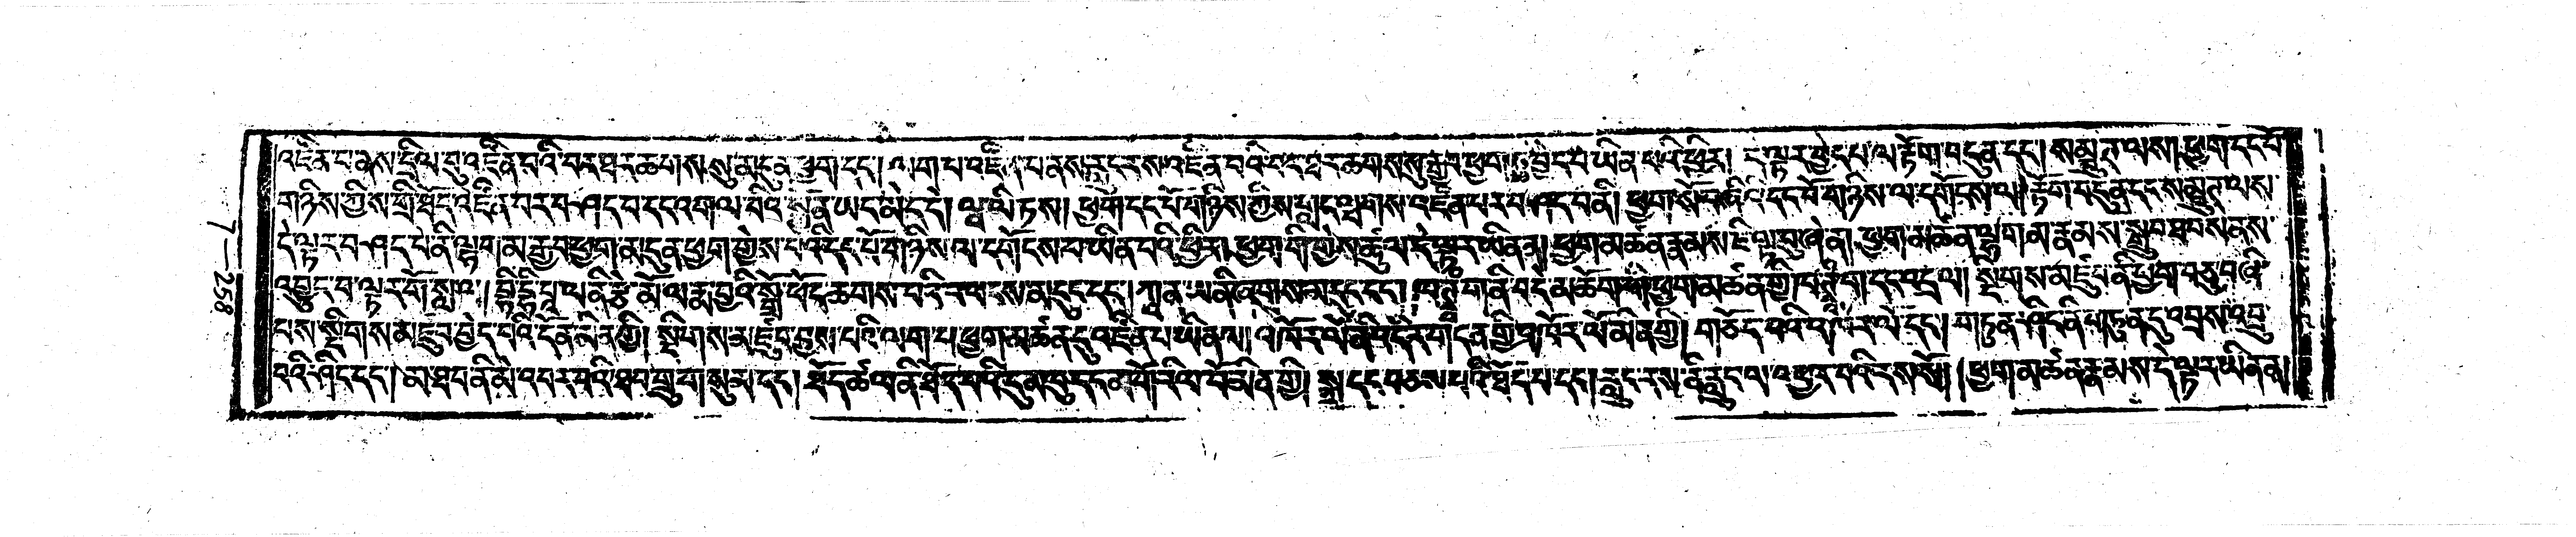འཛིན་པ་ནས་དྲིལ་བུ་འཛིན་པའི་བར་ཐར་ཆགས་སུ་མདུན་ཕྱག་དང་། ལག་པ་འཛིན་པ་ནས་རླུང་རས་འཛིན་པའི་བར་ཐར་ཆགས་སུ་རྒྱབ་ཕྱག་ཏུ་བྱེད་པ་ཡིན་པའི་ཕྱིར། དེ་ལྟར་བྱེད་པ་ལ་རྟོག་བདུན་དང་། སམྦུ་ཊ་ལས། ཕྱག་དང་པོ་
གཉིས་ཀྱིས་གྲི་ཐོད་འཛིན་པར་བཤད་པ་དང་འགལ་བའི་སྐྱོན་ཡང་མེད་དེ། ལཱ་ལ་ཏས། ཕྱག་དང་པོ་གཉིས་ཀྱིས་གླང་ལྤགས་འཛིན་པར་བཤད་པ་ནི། ཕྱག་སོ་བཞིའི་དང་པོ་གཉིས་ལ་དགོངས་ལ། རྟོག་བདུན་དང་སམྦུ་ཊ་ལས་
དེ་ལྟར་བཤད་པ་ནི་ལྷག་མ་རྒྱབ་ཕྱག་མདུན་ཕྱག་གྱེས་པའི་དང་པོ་གཉིས་ལ་དགོངས་པ་ཡིན་པའི་ཕྱིར། ཕྱག་གི་གྱེས་ཚུལ་དེ་ལྟར་ཡིན་ན། ཕྱག་མཚན་རྣམས་ཇི་ལྟ་བུ་ཞེ་ན། ཕྱག་མཚན་ལྷག་མ་རྣམས་སྒྲུབ་ཐབས་ནས་
འབྱུང་བ་ལྟར་གོ་སླ་ལ། བྷི་དྷི་པཱ་ལ་ནི་རྩེ་མོ་ལ་རྨ་བྱའི་སྒྲོ་ཕོང་ཆགས་པའི་འཕངས་མདུད་དང་། ཀར་ན་ཡ་ནི་ཞགས་མདུད་དང་། ཁ་ཊྭཱཾ་ག་ནི་བདེ་མཆོག་གི་ཕྱག་མཚན་གྱི་ཁ་ཊྭཱཾ་ག་དང་འདྲ་ལ། སྔགས་མཛུབ་ནི་ཕྱག་བཅུ་བཞི་
པས་སྡིགས་མཛུབ་བྱེད་པའི་དོན་མིན་གྱི། སྡིགས་མཛུབ་བྱས་པའི་ལག་པ་ཕྱག་མཚན་དུ་འཛིན་པ་ཡིན་ལ། འཁོར་ལོ་ནི་འདིར་གདན་གྱི་འཁོར་ལོ་མིན་གྱི། གཅོད་པའི་འཁོར་ལོ་དང་། གཏུན་ཤིང་ནི་གཏུན་དུ་འབྲས་འབྲུ་
བའི་ཤིང་དང་། མེ་ཐབ་ནི་མེ་འབར་བའི་ཐབ་གྲུ་གསུམ་དང་། ཐོད་ཚལ་ནི་ཐོད་པའི་དུམ་བུ་དང་མགོ་རིལ་པོ་མིན་གྱི། སྐྲ་དང་བཅས་པའི་ཐོད་པ་དང་། རླུང་རས་ནི་རླུང་ལ་འཕྱར་པའི་རས་སོ། །ཕྱག་མཚན་རྣམས་དེ་ལྟར་ཡིན་ན།།